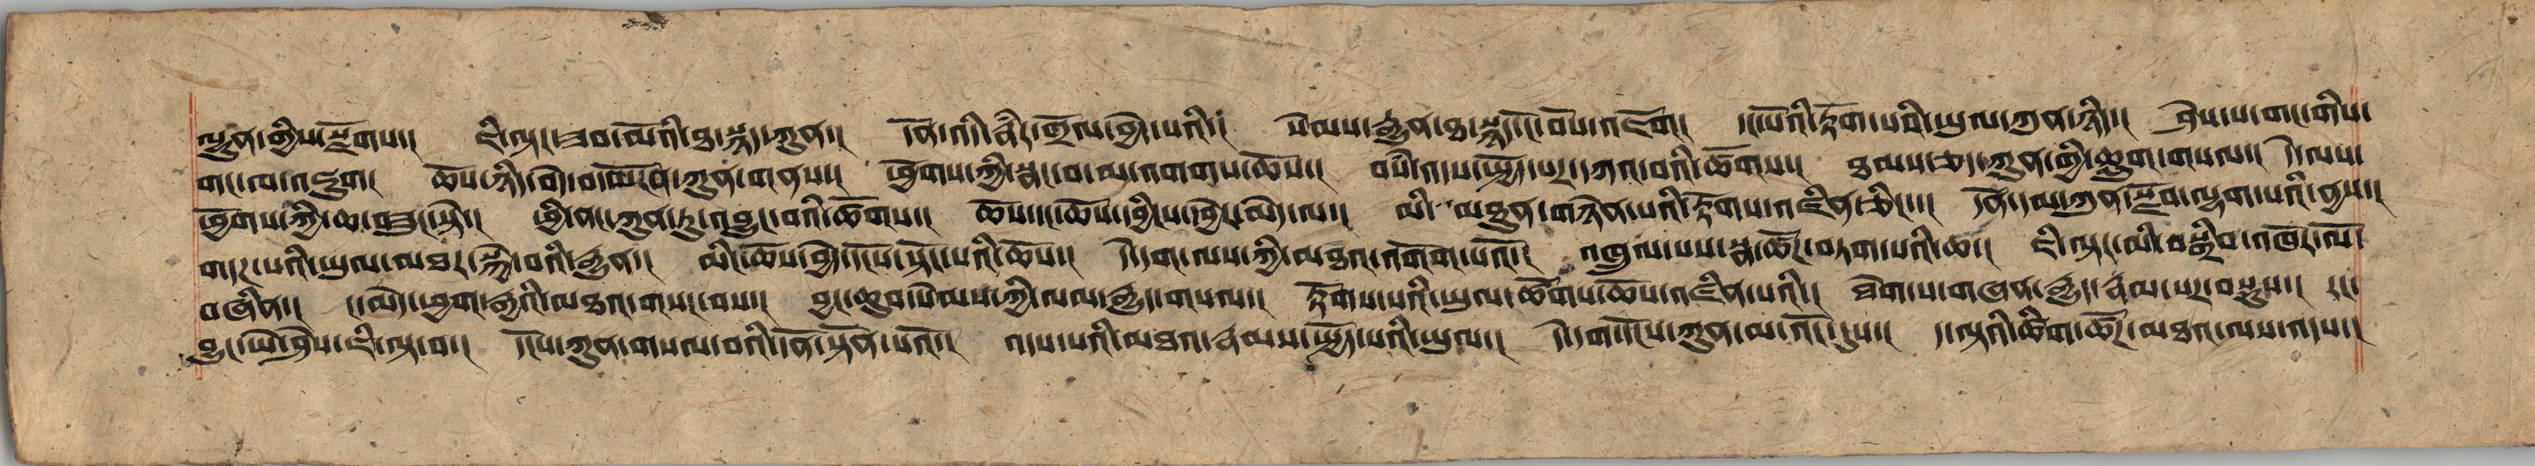ལྷུན་གྱིས་སྫོགས་། ཇི་ལྟར་ཟབ་མོའི་ཐ་སྙད་ཀུན་། དོན་འདི་རྣཾར་གྲོལ་བྱེད་པའི་། སེམས་རྒྱུན་ཐ་སྙད་ངོ་བོས་འཇོག། དང་པོའི་རྟོག་པའི་ཡུལ་ཀུན་ཉིད་། ཤེས་པ་གང་གིས་
གང་ལ་འཇུག། ཆོས་ཉིད་བདེ་བ་མངོན་ཀུན་གནས་། ཕྱོགས་ཀྱི་སྣང་བ་མ་འགགས་ཆོས་། བསཾ་འདས་སྤྱོད་པར་དཀའ་བའི་ཚོགས་། ཐམས་ཅད་ཀུན་གྱི་ཆླུག་གསལ་། དེ་ལས་
ཕྱོགས་ཀྱི་ཆ་བཟུང་སྟེ་། ཕྱི་ནང་ཀུན་ཏུ་འབྱུང་བའི་ཚོགས་། ཆོས་དང་ཆོས་དབྱིངས་དབྱེར་མེད་ལ་། མི་མཐུན་གཉེན་པའི་རྟོགས་འཛིན་ཅིང་་། དོན་དམ་ཀུན་སྫོབ་ལྷག་པའི་ནྱས་།
གདཌ་པའི་ཡུལ་མཐར་སྐྱེ་བའི་རྒྱུན་། མིང་ཆོས་བྱེད་དངོས་སྟོང་པའི་ཆོས་། དེ་དག་ལས་ཀྱི་མཐའ་འགོག་པའོ་། འཁྲུལ་པས་སྣ་ཚོཌ་བཏག་པའི་ཚ་། ཇི་ལྟར་མི་བསྒྲིབ་འཁོར་ལོ་
བཞིན་། ང་མེད་ཕྱག་རྒྱའི་མཐའ་གསང་བས་། བྱང་ཆུབ་སེམས་ཀྱི་ལམ་རྒྱུད་གསལ་། རྟོགས་པའི་ཡུལ་ཚོགས་ཆོས་འཛིན་པའི་། ཐེག་པ་གཞན་རྒྱུད་རྣམ་པར་བསྡུས་། རང་
བྱུང་ཡེ་ཤེས་ཇི་ལྟ་བ་། དངོས་ཀུན་གསལ་བའི་དོན་སྟོན་པའོ་། འདས་པའི་མཐའ་རྣམས་སྤྱོད་པའི་ཡུལ་། དེ་དག་དངོས་ཀུན་མ་འོང་དུས་། ད་ལྟའི་ཚིག་ཚོཌ་མཐའ་ལས་འདས་།